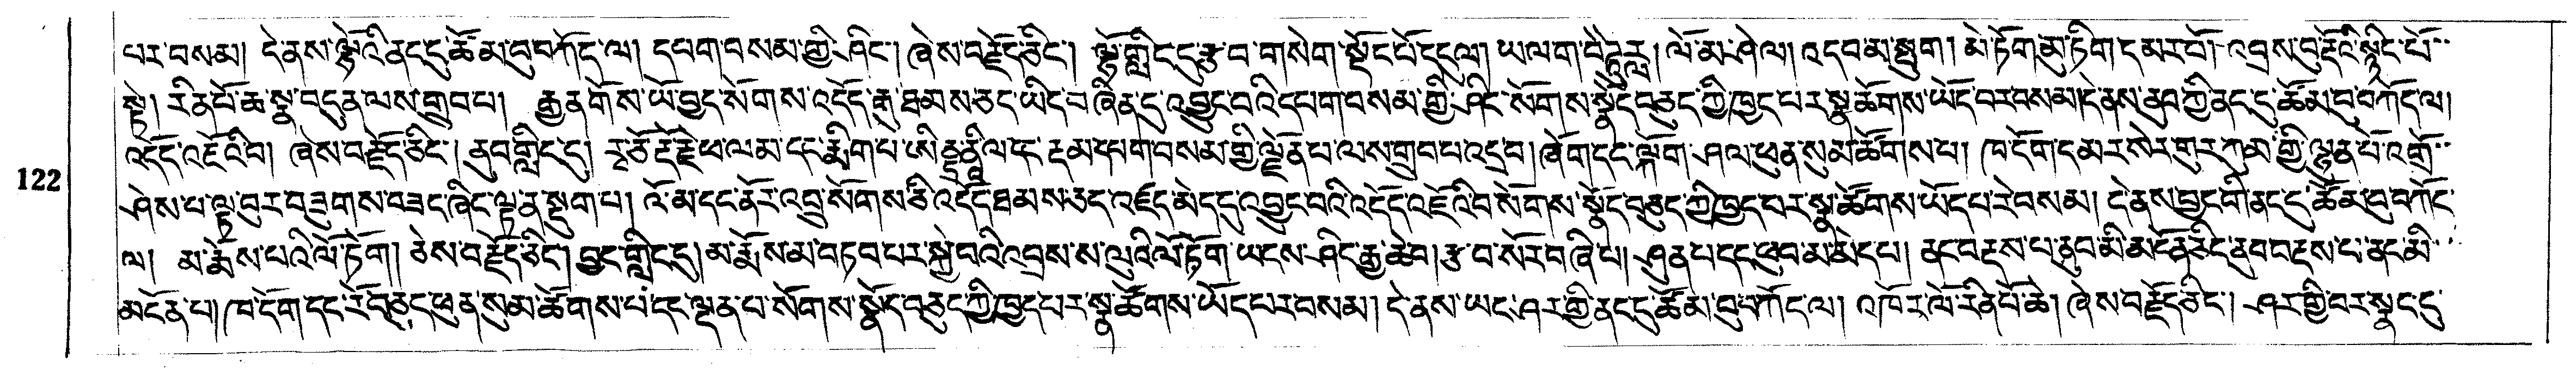པར་བསམ། དེ་ནས་ལྷོའི་ནང་དུ་ཚོམ་བུ་བཀོད་ལ། དཔག་བསམ་གྱི་ཤིང་། ཞེས་བརྗོད་ཅིང་། ལྷོ་གླིང་དུ་རྩ་བ་གསེག་སྡོང་པོ་དངུལ། ཡལ་ག་བཻཌཱུརླ། ལོ་མ་ཤེལ། འདབ་མ་སྤུག །མེ་ཏོག་མུ་ཏིག་དམར་པོ། འབྲས་བུ་རྡོའི་སྙིང་པོ་
སྟེ། རིན་པོ་ཆེ་སྣ་བདུན་ལས་གྲུབ་པ། རྒྱན་གོས་ཡོ་བྱད་སོགས་འདོད་རྒུ་ཐམས་ཅད་ཡིད་བཞིན་དུ་འབྱུང་བའི་དཔག་བསམ་གྱི་ཤིང་སོགས་སྣོད་བཅུད་ཀྱི་ཁྱད་པར་སྣ་ཚོགས་ཡོད་པར་བསམ། དེ་ནས་ནུབ་ཀྱི་ནང་དུ་ཚོམ་བུ་བཀོད་ལ།
འདོད་འཇོའི་བ། ཞེས་བརྗོད་ཅིང་། ནུབ་གླིང་དུ། རྭ་ཅོ་རྡོ་རྗེ་ཕ་ལམ་དང་རྨིག་པ་ཨིནྡྲ་ནཱི་ལ་དང་རྡམ་དཔག་བསམ་གྱི་ལྗོན་པ་ལས་གྲུབ་པ་འདྲ་བ། ཞོག་དང་ལྐོག་ཤལ་ཕུན་སུམ་ཚོགས་པ། ཁ་དོག་དམར་སེར་གུར་ཀུམ་གྱི་ལྷུན་པོ་འགྲོ་
ཤེས་པ་ལྟ་བུར་བཟུགས་བཟང་ཞིང་ལྟ་ན་སྡུག་པ། འོ་མ་དང་ནོར་འབྲུ་སོགས་ཅི་འདོད་ཐམས་ཅད་འཛད་མེད་དུ་འབྱུང་བའི་འདོད་འཇོའི་བ་སོགས་སྣོད་བཅུད་ཀྱི་ཁྱད་པར་སྣ་ཚོགས་ཡོད་པ་རེ་བསམ། དེ་ནས་བྱང་གི་ནང་དུ་ཚོམ་བུ་བཀོད་
ལ། མ་རྨོས་པའི་ལོ་ཏོག །ཅེས་བརྗོད་ཅིང་། བྱང་གླིང་དུ། མ་རྨོས་མ་བཏབ་པར་སྐྱེ་བའི་འབྲས་ས་ལུའི་ལོ་ཏོག་ཡངས་ཤིང་རྒྱ་ཆེ་བ། རྩ་བ་སོར་བཞི་པ། ཤུན་པ་དང་ཕུབ་མ་མེད་པ། ནང་བརྡས་པ་ནུབ་མི་མངོན་ཅིང་ནུབ་བརྡས་?་པ་ནང་མི་
མངོན་པ། ཁ་དོག་དང་རོ་བཅུད་ཕུན་སུམ་ཚོགས་པ་དང་ལྡན་པ་སོགས་སྣོད་བཅུད་ཀྱི་ཁྱད་པར་སྣ་ཚོགས་ཡོད་པར་བསམ། དེ་ནས་ཡང་ཤར་གྱི་ནང་དུ་ཚོམ་བུ་བཀོད་ལ། འཁོར་ལོ་རིན་པོ་ཆེ། ཞེས་བརྗོད་ཅིང་། ཤར་གྱི་བར་སྣང་དུ་